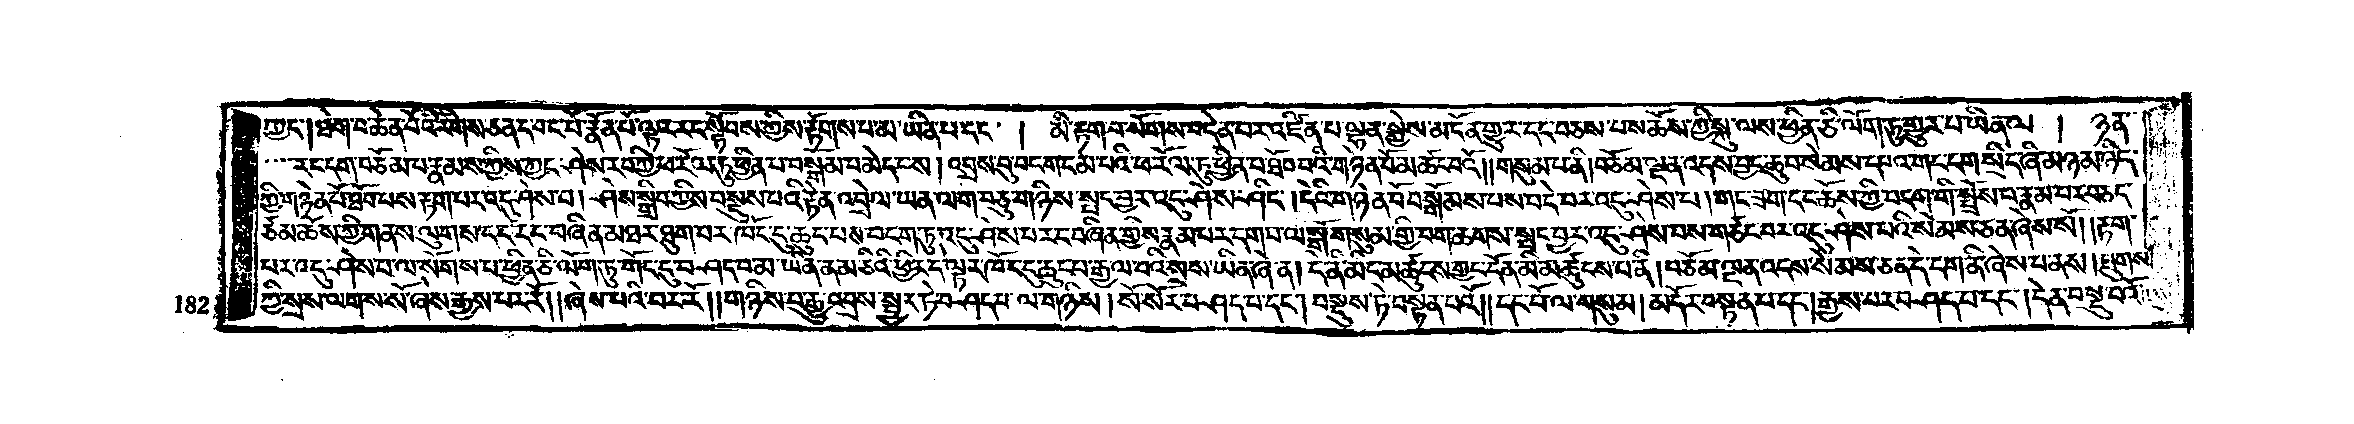ཀྱང༑ ཐེག་པ་ཆེན་པོའི་རིགས་ཅན་དབང་པོ་རྣོན་པོ་ལྟར་རང་སྟོབས་ཀྱིས་རྟོགས་པ་མ་ཡིན་པ་དང་། མི་རྟག་པ་སོགས་བདེན་པར་འཛིན་པ་ལྷན་སྐྱེས་མངོན་གྱུར་དང་བཅས་པས་ཆོས་ཀྱི་སྐུ་ལས་ཕྱིན་ཅི་ལོག་ཏུ་གྱུར་པ་ཡིན་ལ། ཉན་
རང་དགྲ་བཅོམ་པ་རྣམས་ཀྱིས་ཀྱང་ཤེས་རབ་ཀྱི་ཕ་རོལ་ཏུ་ཕྱིན་པ་བསྒོམ་པ་མེད་པས། འབྲས་བུ་བདག་དམ་པའི་ཕ་རོལ་ཏུ་ཕྱིན་པ་ཐོབ་པའི་གཉེན་པོ་མཚང་བའོ། །གསུམ་པ་ནི། བཅོམ་ལྡན་འདས་བྱང་ཆུབ་སེམས་དཔའ་གང་དག་སྲིད་ཞི་མཉམ་ཉིད་
ཀྱི་གཉེན་པོ་ཐོབ་པས་རྟག་པར་འདུ་ཤེས་པ། ཤེས་སྒྲིབ་ཀྱིས་བསྡུས་པའི་རྟེན་འབྲེལ་ཡན་ལག་བཅུ་གཉིས་སྤང་བྱར་འདུ་ཤེས་ཤིང་། དེའི་གཉེན་པོ་བསྒོམས་པས་བདེ་བར་འདུ་ཤེས་པ། གང་ཟག་དང་ཆོས་ཀྱི་བདག་གི་སྤྲོས་པ་རྣམ་པར་བཅད་
ཙམ་ཆོས་ཀྱི་གནས་ལུགས་དང་རང་བཞིན་མཐར་ཐུག་པར་ཁོང་དུ་ཆུད་པས་བདག་ཏུ་འདུ་ཤེས་པ་རང་བཞིན་གྱིས་རྣམ་པར་དག་པ་ལ་སྒོ་གསུམ་གྱི་བག་ཆགས་སྤང་བྱར་འདུ་ཤེས་པས་གཙང་བར་འདུ་ཤེས་པའི་སེམས་ཅན་ཞེས་སོ། །རྟག་
པར་འདུ་ཤེས་པ་ལ་སོགས་པ་ཕྱིན་ཅི་ལོག་ཏུ་གོང་དུ་བཤད་པ་མ་ཡིན་ནམ་ཅིའི་ཕྱིར་དེ་ལྟར་ཁོང་དུ་ཆུད་པ་རྒྱལ་བའི་སྲས་ཡིན་ཞེ་ན། དེ་ནི་མིང་མཚུངས་ཀྱང་དོན་མི་མཚུངས་པ་ནི། བཅོམ་ལྡན་འདས་སེམས་ཅན་དེ་དག་ནི་ཞེས་པ་ནས། ཐུགས་
ཀྱི་སྲས་ལགས་སོ་ཞེས་རྒྱས་པར་རོ། །ཞེས་པའི་བར་རོ། །གཉིས་པ་རྒྱུ་འབྲས་སྦྱར་ཏེ་བཤད་པ་ལ་གཉིས། སོ་སོར་བཤད་པ་དང་། བསྡུས་ཏེ་བསྟན་པའོ། །དང་པོ་ལ་གསུམ། མདོར་བསྟན་པ་དང་། རྒྱས་པར་བཤད་པ་དང་། དེན་བསྡུ་བའོ། །